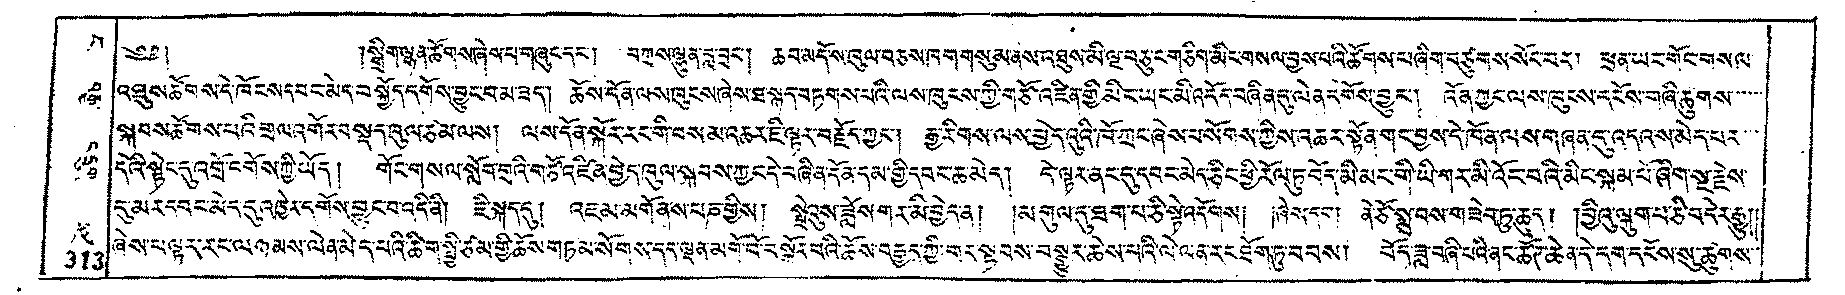༄༅། །སྒྲིག་ལྷན་ཚོགས་ཞེས་པ་གཞུང་དང་། བཀྲས་ལྷུན་བླ་བྲང་། ཆབ་མདོ་ས་ཁུལ་བཅས་ཁག་གསུམ་ནས་འཐུས་མི་ལྔ་བཅུ་ང་གཅིག་མིང་གསལ་བྱས་པའི་ཚོགས་པ་ཞིག་བཙུགས་སོང་བར། ཕྲན་ཡང་གོང་གསལ་
འཐུས་ཚོགས་དེ་ཁོངས་དབང་མེད་བསྐྱོད་དགོས་བྱུང་བ་མ་ཟད། ཆོས་དོན་ལས་ཁུངས་ཞེས་ཐ་སྙད་བཏགས་པའི་ལས་ཁུངས་ཀྱི་གཙོ་འཛིན་གྱི་མིང་ཡང་མི་འདོད་བཞིན་དུ་ལེན་དགོས་བྱུང་། འོན་ཀྱང་ལས་ཁུངས་དངོས་གཞི་ཚུགས་
སྐབས་ཚོགས་པའི་གྲལ་འགོར་བསྡད་ཁུལ་ཙམ་ལས། ལས་དོན་སྐོར་རང་གི་བསམ་འཆར་ཇི་ལྟར་བརྗོད་ཀྱང་། རྒྱ་རིགས་ལས་བྱེད་འུའི་ཁོ་ཀྲང་ཞེས་པ་སོགས་ཀྱིས་འཆར་སྟོན་གང་བྱས་དེ་ཁོ་ན་ལས་གཞན་དུ་འདའ་ས་མེད་པར་
དེའི་སྟེང་དུ་འགྲོ་དགོས་ཀྱི་ཡོད། གོང་གསལ་སློབ་གྲའི་གཙོ་འཛིན་བྱེད་ཁུལ་སྐབས་ཀྱང་དེ་བཞིན་དོན་དམ་གྱི་དབང་ཆ་མེད། དེ་ལྟར་ནང་དུ་དབང་མེད་ཅིང་ཕྱི་རོལ་ཏུ་བོད་མི་མང་གི་ཡི་གར་མི་འོང་བའི་མིང་སྐམ་པོ་ཞིག་སྔ་རྗེས་
དུ་མར་དབང་མེད་དུ་འཁྱེར་དགོས་བྱུང་བ་འདི་ནི། ཇི་སྐད་དུ། འཇམ་མགོན་ས་པཎ་གྱིས། སྤྲེའུས་ཟློས་གར་མི་བྱེད་ན། །མགུལ་དུ་ཐག་པ་ཅི་སྟེ་འདོགས། །ཞེས་དང་། ནེ་ཙོ་སྨྲ་བས་གཟེབ་ཏུ་ཆུད། །བྱིའུ་ལྐུག་པ་ཅི་བདེར་རྒྱུ།།
ཞེས་པ་ལྟར་རང་ལ་ཉམས་ལེན་མེད་པའི་ཚིག་སྤྱི་ཙམ་གྱི་ཆོས་གཏམ་སོགས་དད་ལྡན་མགོ་བོ་བསྐོར་བའི་ཆོས་བརྒྱད་ཀྱི་གར་སྟབས་བསྒྱུར་ཆེས་པའི་ལེ་ལན་རང་ཐོག་ཏུ་བབས། བོད་ཟླ་བཞི་པའི་ནང་ཚོགས་ཆེན་དེ་དག་དངོས་སུ་ཚུགས་